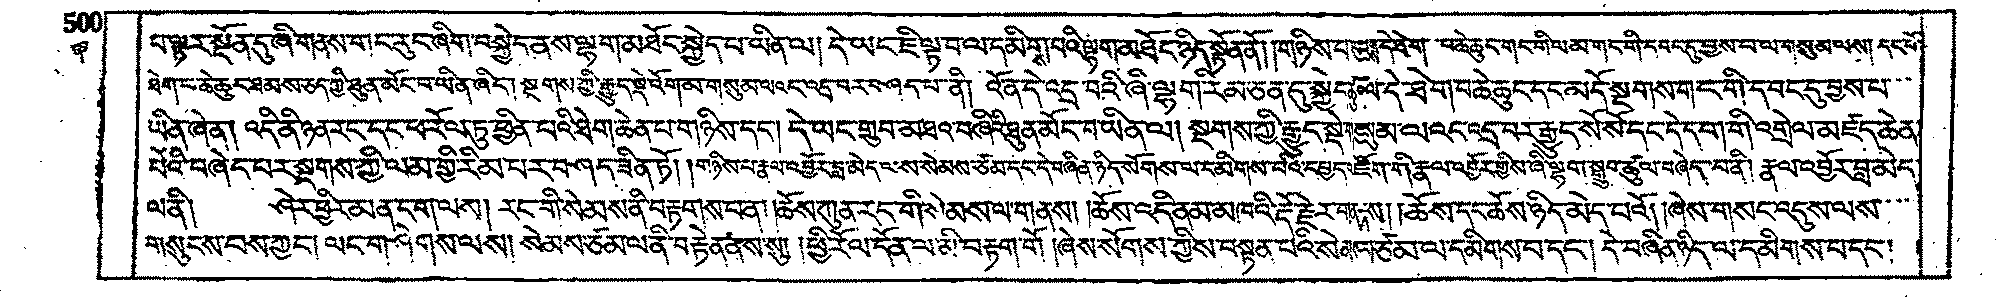པ་ལྟར་སྔོན་དུ་ཞི་གནས་གང་རུང་ཞིག་བསྐྱེད་ནས་ལྷག་མཐོང་སྐྱེད་པ་ཡིན་ལ། དེ་ཡང་ཇི་ལྟ་བ་ལ་དམིགས་པའི་ལྷག་མཐོང་ཉིད་སྟོན་ནོ། །གཉིས་པལུགས་དེ་ཐེག་པ་ཆེ་ཆུང་གང་གི་ལམ་གང་གི་དབང་དུ་བྱས་པ་ལ་གསུམ་ལས། དང་པོ་
ཐེག་པ་ཆེ་ཆུང་ཐམས་ཅད་ཀྱི་ཐུན་མོང་པ་ཡིན་ཞིང་། སྔགས་ཀྱི་རྒྱུད་སྡེ་འོག་མ་གསུམ་ལའང་འདྲ་བར་བཤད་པ་ནི། འོ་ན་དེ་འདྲ་བའི་ཞི་ལྷག་རིམ་ཅན་དུ་སྐྱེད་ཚུལ་དེ་ཐེག་པ་ཆེ་ཆུང་དང་མདོ་སྔགས་གང་གི་དབང་དུ་བྱས་པ་
ཡིན་ཞེ་ན། འདི་ནི་ཉན་རང་དང་ཕ་རོལ་ཏུ་ཕྱིན་པའི་ཐེག་ཆེན་པ་གཉིས་དང་། དེ་ཡང་གྲུབ་མཐའ་བཞིའི་ཐུན་མོང་བ་ཡིན་ལ། སྔགས་ཀྱི་རྒྱུད་སྡེ་གསུམ་ལའང་འདྲ་བར་རྒྱུད་སོ་སོ་དང་དེ་དག་གི་འགྲེལ་མཛད་ཆེན་
པོའི་བཞེད་པར་སྔགས་ཀྱི་ལམ་གྱི་རིམ་པར་བཤད་ཟིན་ཏོ། །གཉིས་པ་རྣལ་འབྱོར་བླ་མེད་ལས་སེམས་ཙམ་དང་དེ་བཞིན་ཉིད་སོགས་ལ་དམིགས་པའི་དཔྱད་འཇོག་གི་རྣལ་འབྱོར་གྱིས་ཞི་ལྷག་སྒྲུབ་ཚུལ་བཞེད་པ་ནི།  རྣལ་འབྱོར་བླ་མེད་
ལ་ནི། ཤེར་ཕྱིར་མན་ངག་ལས། རང་གི་སེམས་ནི་བརྟགས་པ་ན། །ཆོས་ཀུན་རང་གི་སེམས་ལ་གནས། །ཆོས་འདི་ནམ་མཁའི་རྡོ་རྗེར་གནས། །ཆོས་དང་ཆོས་ཉིད་མེད་པའོ། །ཞེས་གསང་འདུས་ལས་
གསུངས་བས་ཀྱང་། ལངས་གཤེགས་ལས། སེམས་ཙམ་ལ་ནི་བརྟེན་ནས་སུ། །ཕྱི་རོལ་དོན་ལ་མི་བརྟག་གོ། །ཞེས་སོགས་ཀྱིས་བསྟན་པའི་སེམས་ཙམ་ལ་དམིགས་པ་དང་། དེ་བཞིན་ཉིད་ལ་དམིགས་པ་དང་།